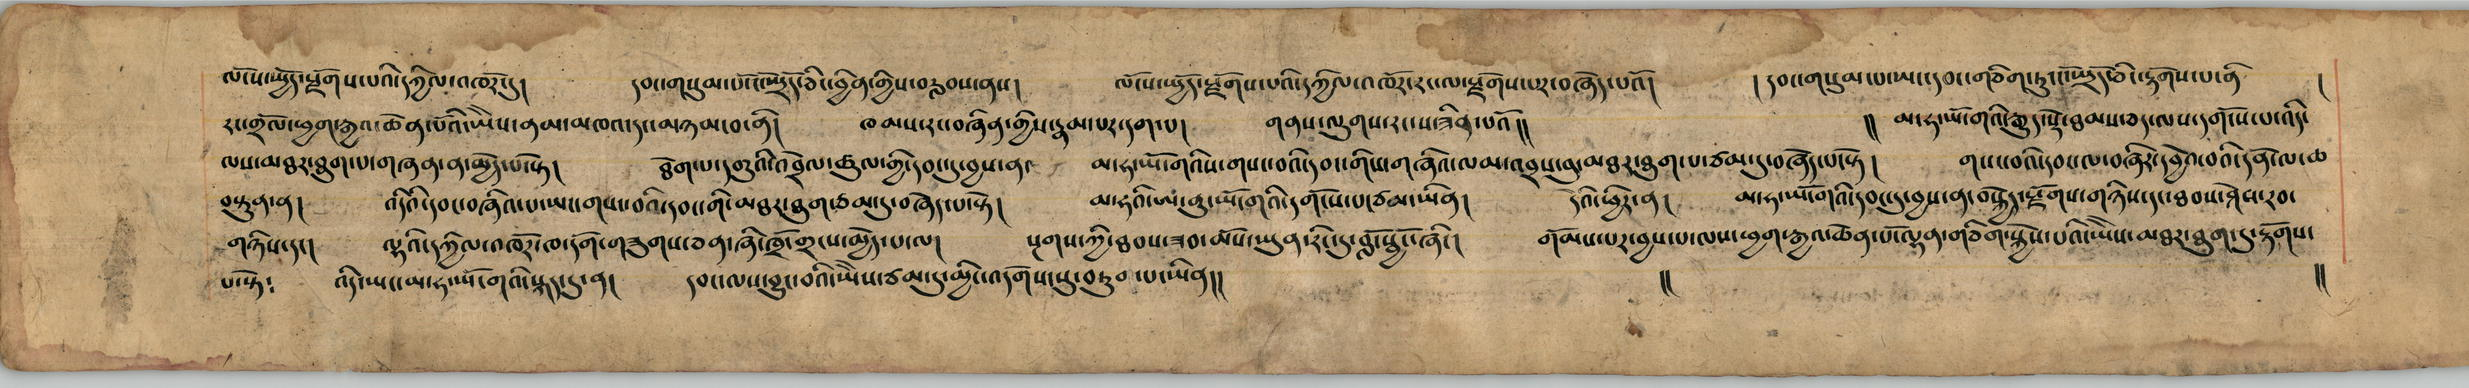ལོངས་སྤྱོད་སྫོགས་པའི་དཀྱིལ་འཁོར་དུ། དབང་གསུམ་པོ་ངོ་སྤྲོད་ཅིང་བྱིན་གྱིས་བརླབས་ནས། ལོངས་སྤྱོད་སྫོགས་པའི་དཀྱིལ་འཁོར་རང་ལ་སྫོགས་པར་བཞེད་པའོ། །དབང་གསུམ་པ་ཡང་དབང་གཅིག་ཏུ་ངོ་སྤྲོད་ཅིང་རྟོགས་པ་ནི
རང་གྲོལ་ཕྱག་རྒྱའ་ཆེན་པོའི་ཡཻས་ནམ་མཁའ་དང་མཉམ་བ་ནི། ཁམས་རང་བཞིན་གྱིས་རྣམ་པར་དག་པ། གནས་ལུགས་རང་ས་ཟིན་པའོ།། །། མ་ཧ་ཡོ་གའི་རྒྱུད་སྡེ་ཐམས་ཅད་ལས་དགོངས་པ་འདི་
ལས་མཐར་ཐུག་པ་གཞན་ན་མྱེད་པ་སྟེ། ཐེག་པ་དགུའི་འབྲེལ་ཚུལ་གྱི་དབང་དུ་བྱས་ན་ མ་ཧ་ཡོ་གའིས་གསང་བའི་དབང་གིས་གཞིའ་ལམ་འབྲས་བུ་མཐར་ཐུག་པ་ཙམ་དུ་བཞེད་པ་སྟེ། གསང་བའི་དབང་ལ་བཞིར་དབྱེའ་བའི་དོན་ལ་ཆ
བསྟུན་ན། འདིའི་དབང་བཞིའ་པ་ཡང་གསང་བའི་དབང་གི་མཐར་ཐུག་ཙམ་དུ་བཞེད་པ་སྟེ། མ་ཧའི་ཨ་ནུ་ཡོ་གའི་དགོངས་པ་ཙམ་ཡིན། དེའི་ཕྱིར་ན། མ་ཧ་ཡོ་གའི་དབང་དུ་བྱས་ན་བསྐྱེད་སྫོགས་གཉིས་དང་ཐབས་ཤེས་རབ་
གཉིས་དང། ལྷའི་དཀྱིལ་འཁོར་ཁ དོག་གཟུགས་ཅན་ཞི་ཁྲོ་གྲངས་མྱེད་ལ། སྔགས་ཀྱི་ཐབས་ཟབ་མོས་ཡུན་རིང་དུ་བློ་སྦྱོང་ཞིང། གོམས་པར་བྱས་པ་ལས་ཕྱག་རྒྱའ་ཆེན་པོ་ལྷན་གཅིག་སྐྱེས་པའི་ཡཻས་མཐར་ཐུག་དུ་རྟོགས་
པ་སྟེ༴ འདི་ཡང་མ་ཧ་ཡོ་གའི་སྐད་དུ་ན། དབང་ལས་བྱུང་བའི་ཡཻས་ཙམ་དུ་མྱིང་འདོགས་སུ་བཏུབ་པ་ཡིན།།